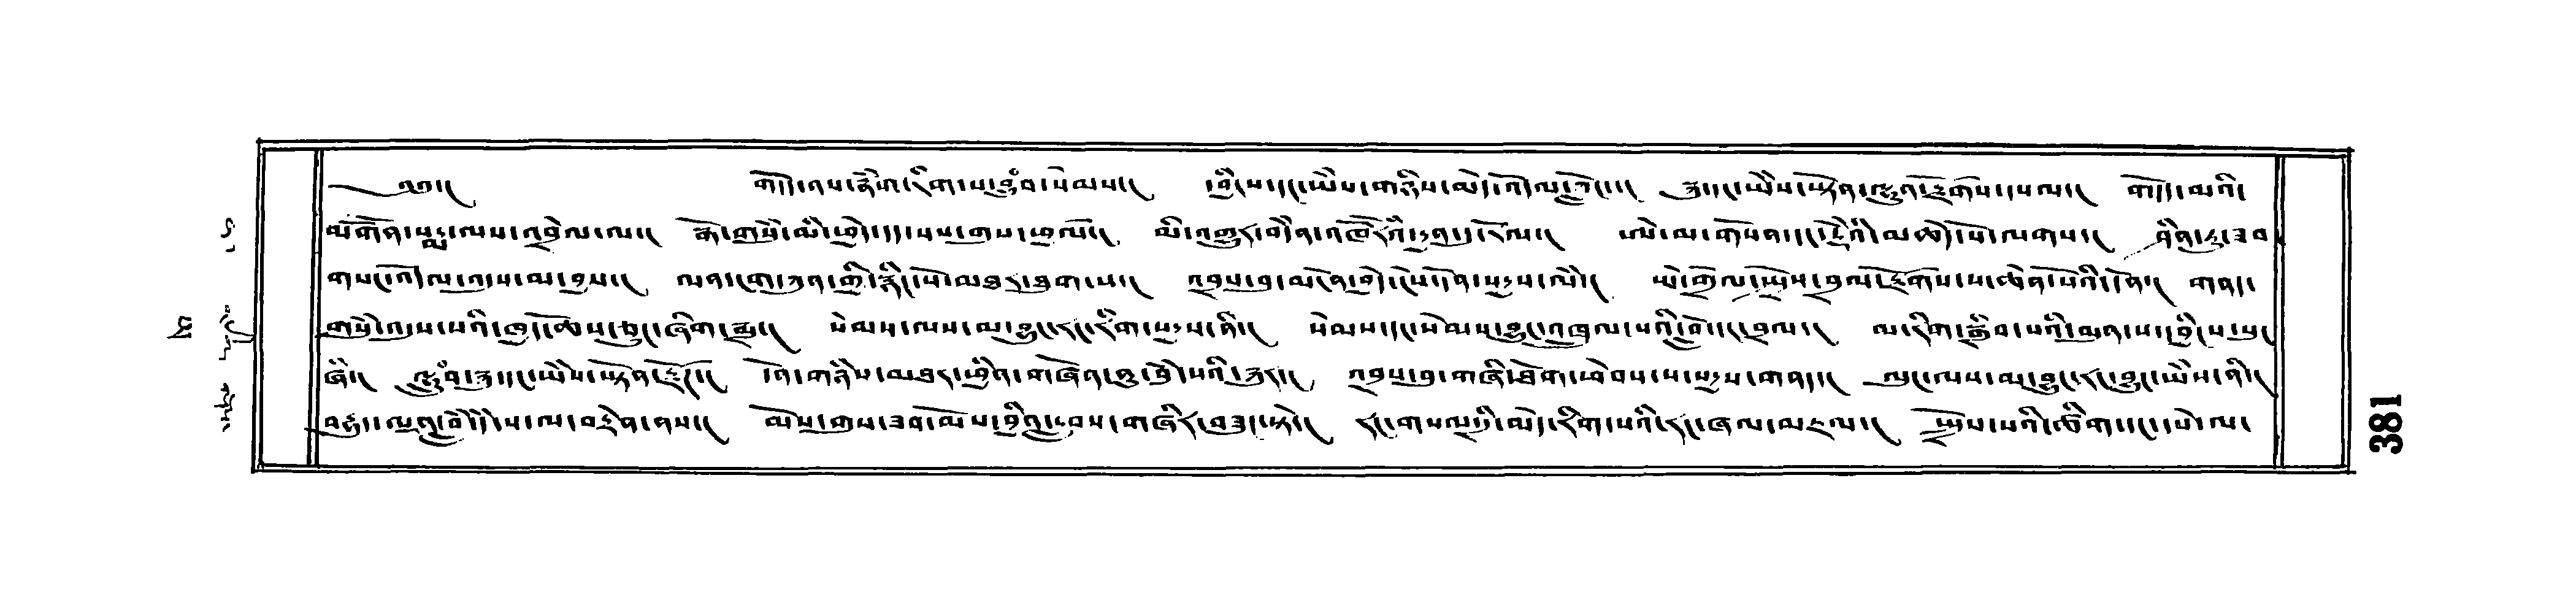གདོད་ནས་རྣམ་དག་རིག་པ་བྱང་ཆུབ་སེམས། །དབྱིངས་དང་ཡེ་ཤེས་གཉིས་མེད་འོད་གསལ་ཀློང་། །སྐུ་དང་ཡེ་ཤེས་ཡོན་ཏན་ལྷུན་རྫོགས་དཔལ། །གདོད་མའི་
མགོན་པོ་པདྨ་ལས་འབྲེལ་ལ། །སྒོ་གསུམ་མི་ཕྱེད་དད་པས་གུས་ཕྱག་འཚལ། །མི་འགྱུར་བདེ་ཆེན་འཁོར་ལོའི་རྒྱན་དུ་རོལ། །ཨེ་མ་གསོན་དང་རྡོ་རྗེའི་མཆེད་པོ་ལགས། །ཤིན་ཏུ་ཟབ་
གསང་འོད་གསལ་འདུས་མ་བྱས། །མན་ངག་ཀུན་གྱི་སྙིང་པོ་མཐར་ཐུག་པ། །འབྲས་བུ་མངོན་བྱེད་ངེས་དོན་སངས་རྒྱས་ལམ། །ཡེ་གྲོལ་སྤྲོས་བྲལ་རྫོགས་པ་ཆེན་པོའི་དོན། །གནད་
གསུམ་འདུས་པའི་ཁྱད་ཆོས་ཅུང་ཞིག་སྨྲ། །སེམས་ལས་མ་བྱུང་རང་རིག་སངས་རྒྱས་ནི། །སེམས་དང་སེམས་བྱུང་འཁྲུལ་པའི་བློ་དང་བྲལ། །མ་རིག་སྒྲིབ་པའི་མུན་པ་དབྱིངས་སུ་
ཞི། །ལྷུན་གྲུབ་སྐུ་དང་ཡེ་ཤེས་ཡོན་ཏན་རྫོགས། །དོན་གཉིས་མཐར་ཕྱིན་གཞོན་ནུ་བུམ་པའི་སྐུར། །འབྲས་བུ་གཞི་ཐོག་ཕེབས་པ་སངས་རྒྱས་གནད། །ལུང་ལས་མ་བྱུང་རང་བྱུང་ཡེ་ཤེས་ནི། །
བརྒྱུད་ལྡན་བླ་མ་དམ་པ་ལ་བརྟེན་ནས། །མོས་གུས་ཟབ་མོས་བྱིན་རླབས་གཞིར་བཟུང་སྟེ། །རང་གསལ་དྲི་མེད་རིག་པའི་རང་ཞལ་མཇལ། །སྤྲོས་པའི་ཚིག་དང་དཔེ་ལ་